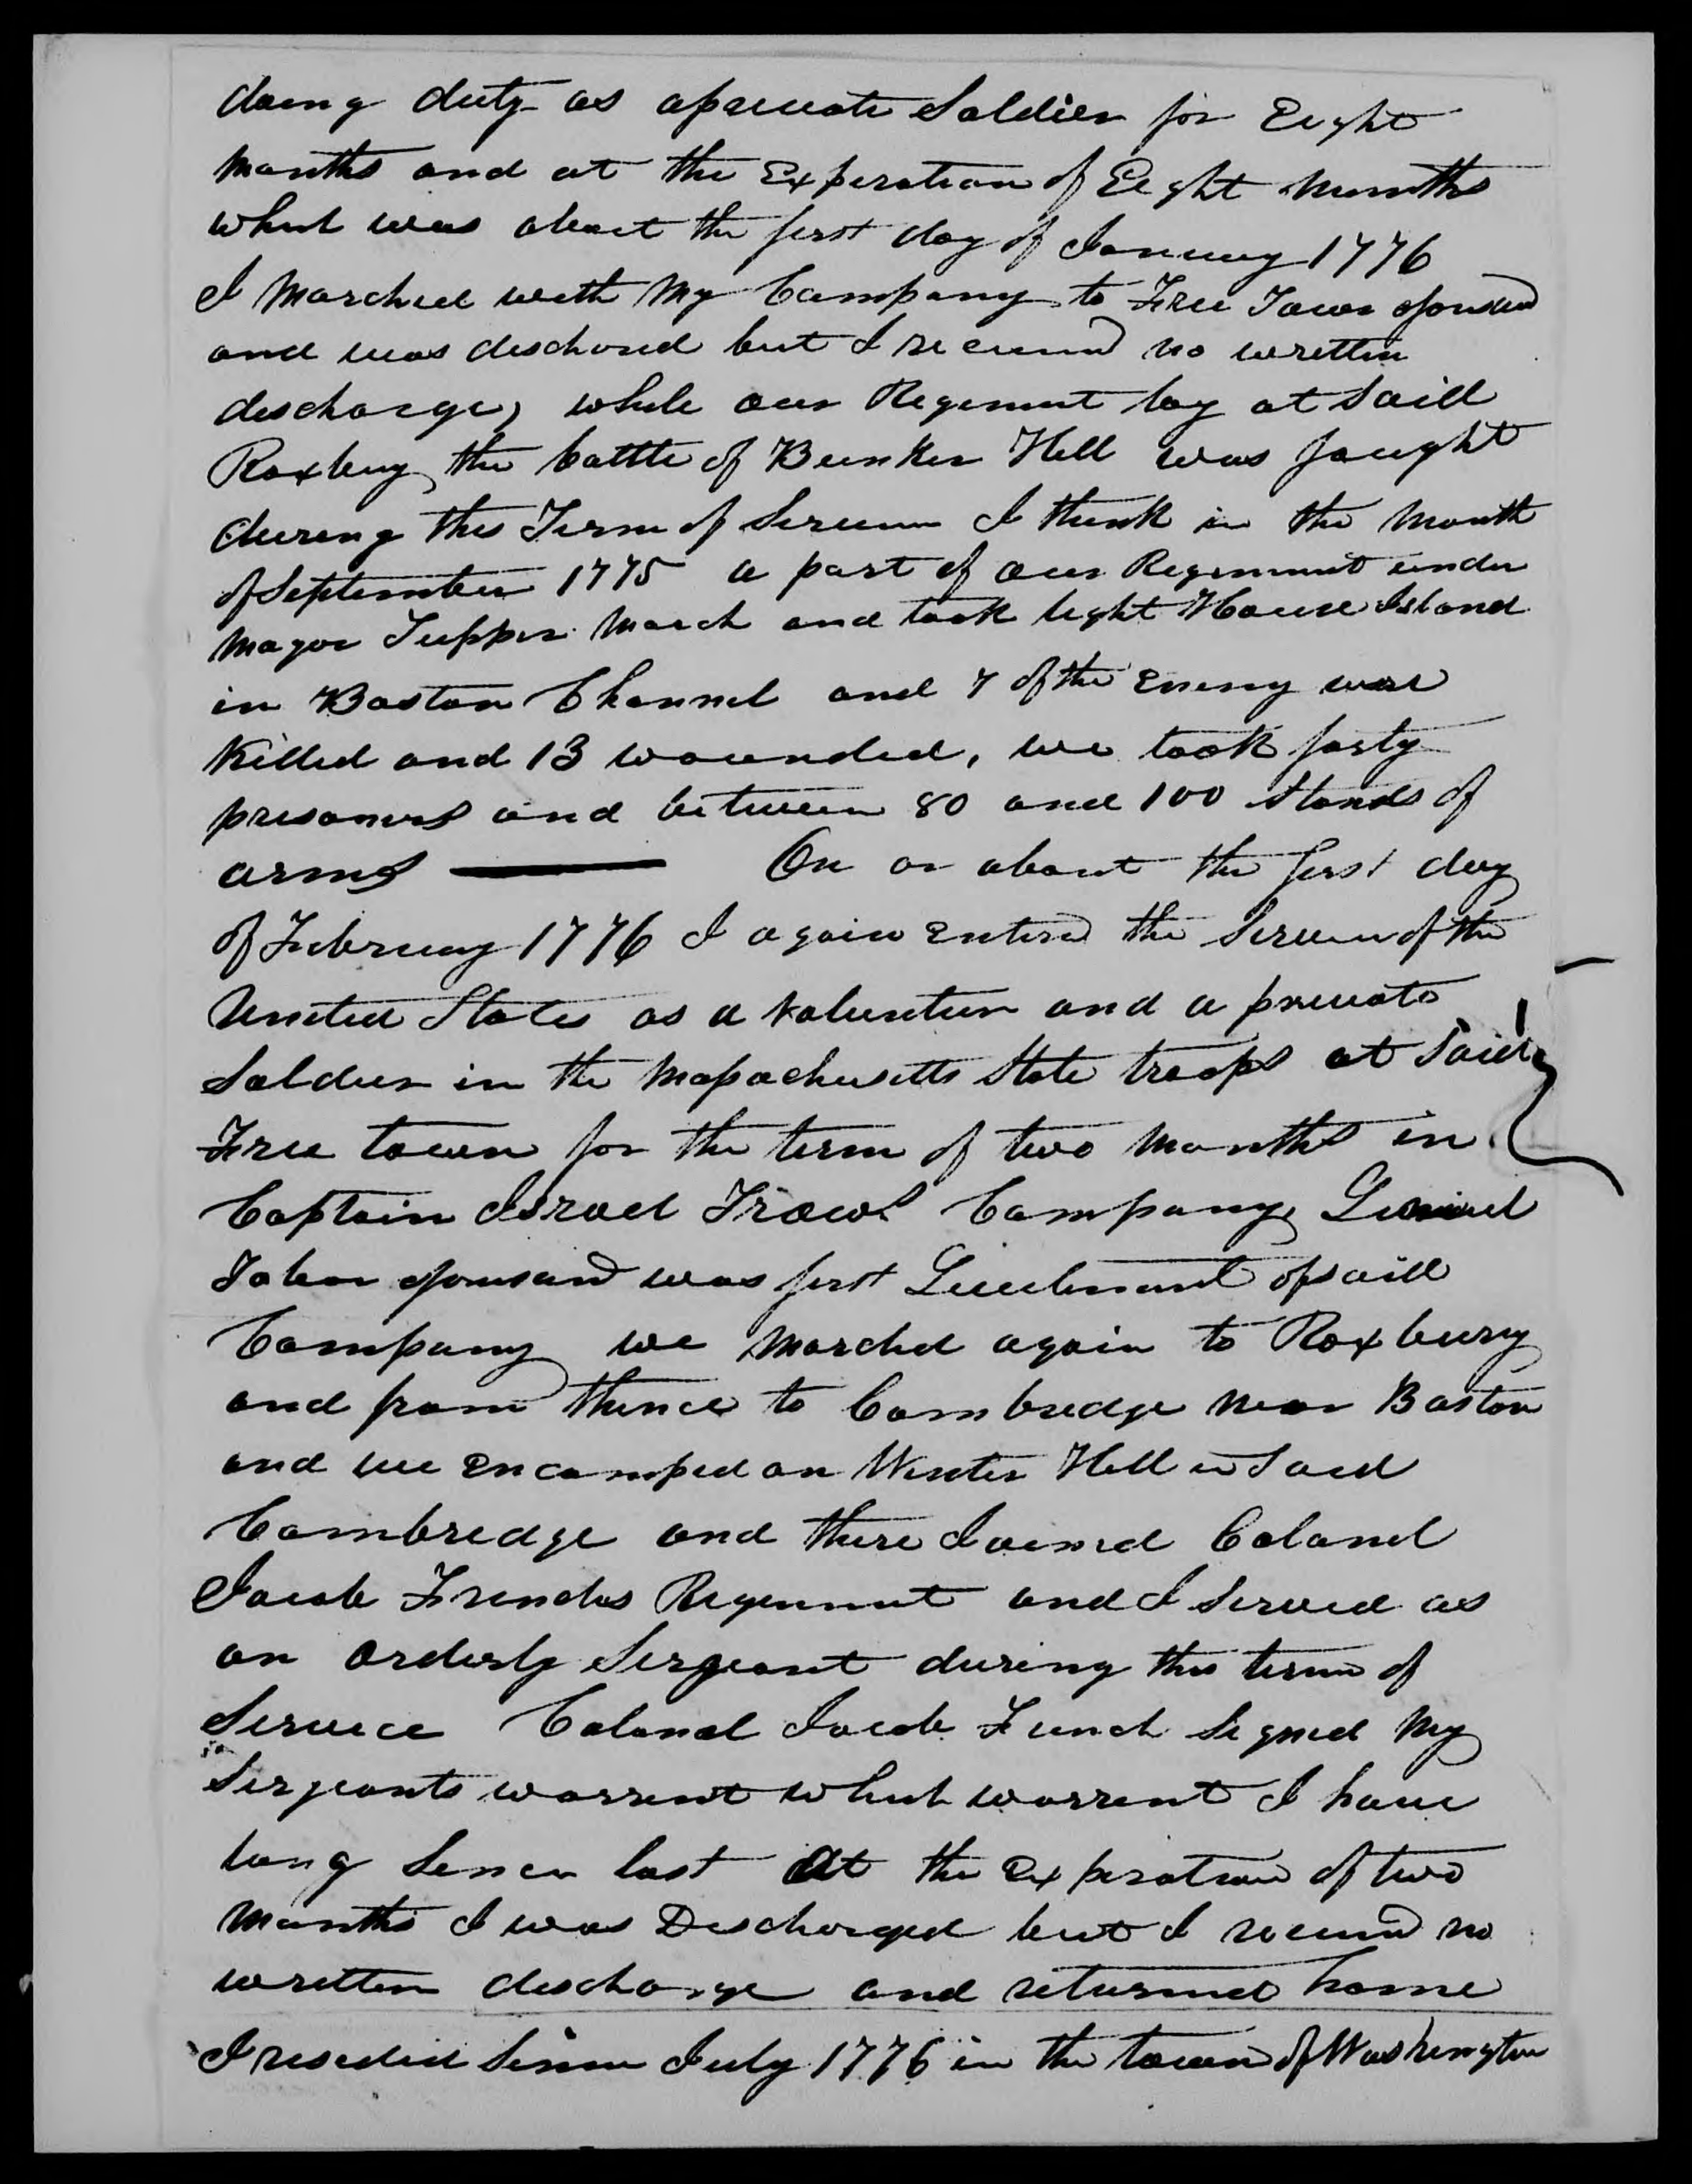doing duty as a private Soldier for eight months and at the expiration of Eight months which was about the first day of January 1776 I marched with my company to Free Town aforesaid and was discharged but I received no written discharge. While our Regiment lay at said Roxbury the battle of Bunker Hill was fought during the Term of Service I think in the month of September 1775 a part of our Regiment under Major Tupper march and took light House Island in Boston Channel and 7 of the enemy was killed and 13 wounded, we took forty prisoners and between 80 and d100 stands of arms. On or about the first day of February 1776 I again entered the Service of the United States as a volunteer and a private soldier in the Massachusetts State troops at said Free town for the term of two months in Captain Israel Trow's company, Lemuel Tabor aforesaid was first Lieutenant of said Company. We marched again to Roxbury and from thence to Cambridge near Boston and we encamped on Winter Hill in said Cambridge and there I joined Colonel Jacob French's Regiment and I served as an orderly sergeant during the term of service. Colonel Jacob French signed my Sergeants warrent which warrent I have long since lost. At the expiration of two months I was Discharged but I received no written discharge and returned home.
I resided since July 1776 in the town of Washington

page: 13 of 41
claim: widow's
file: W 26507, for Church Tabor, Massachusetts